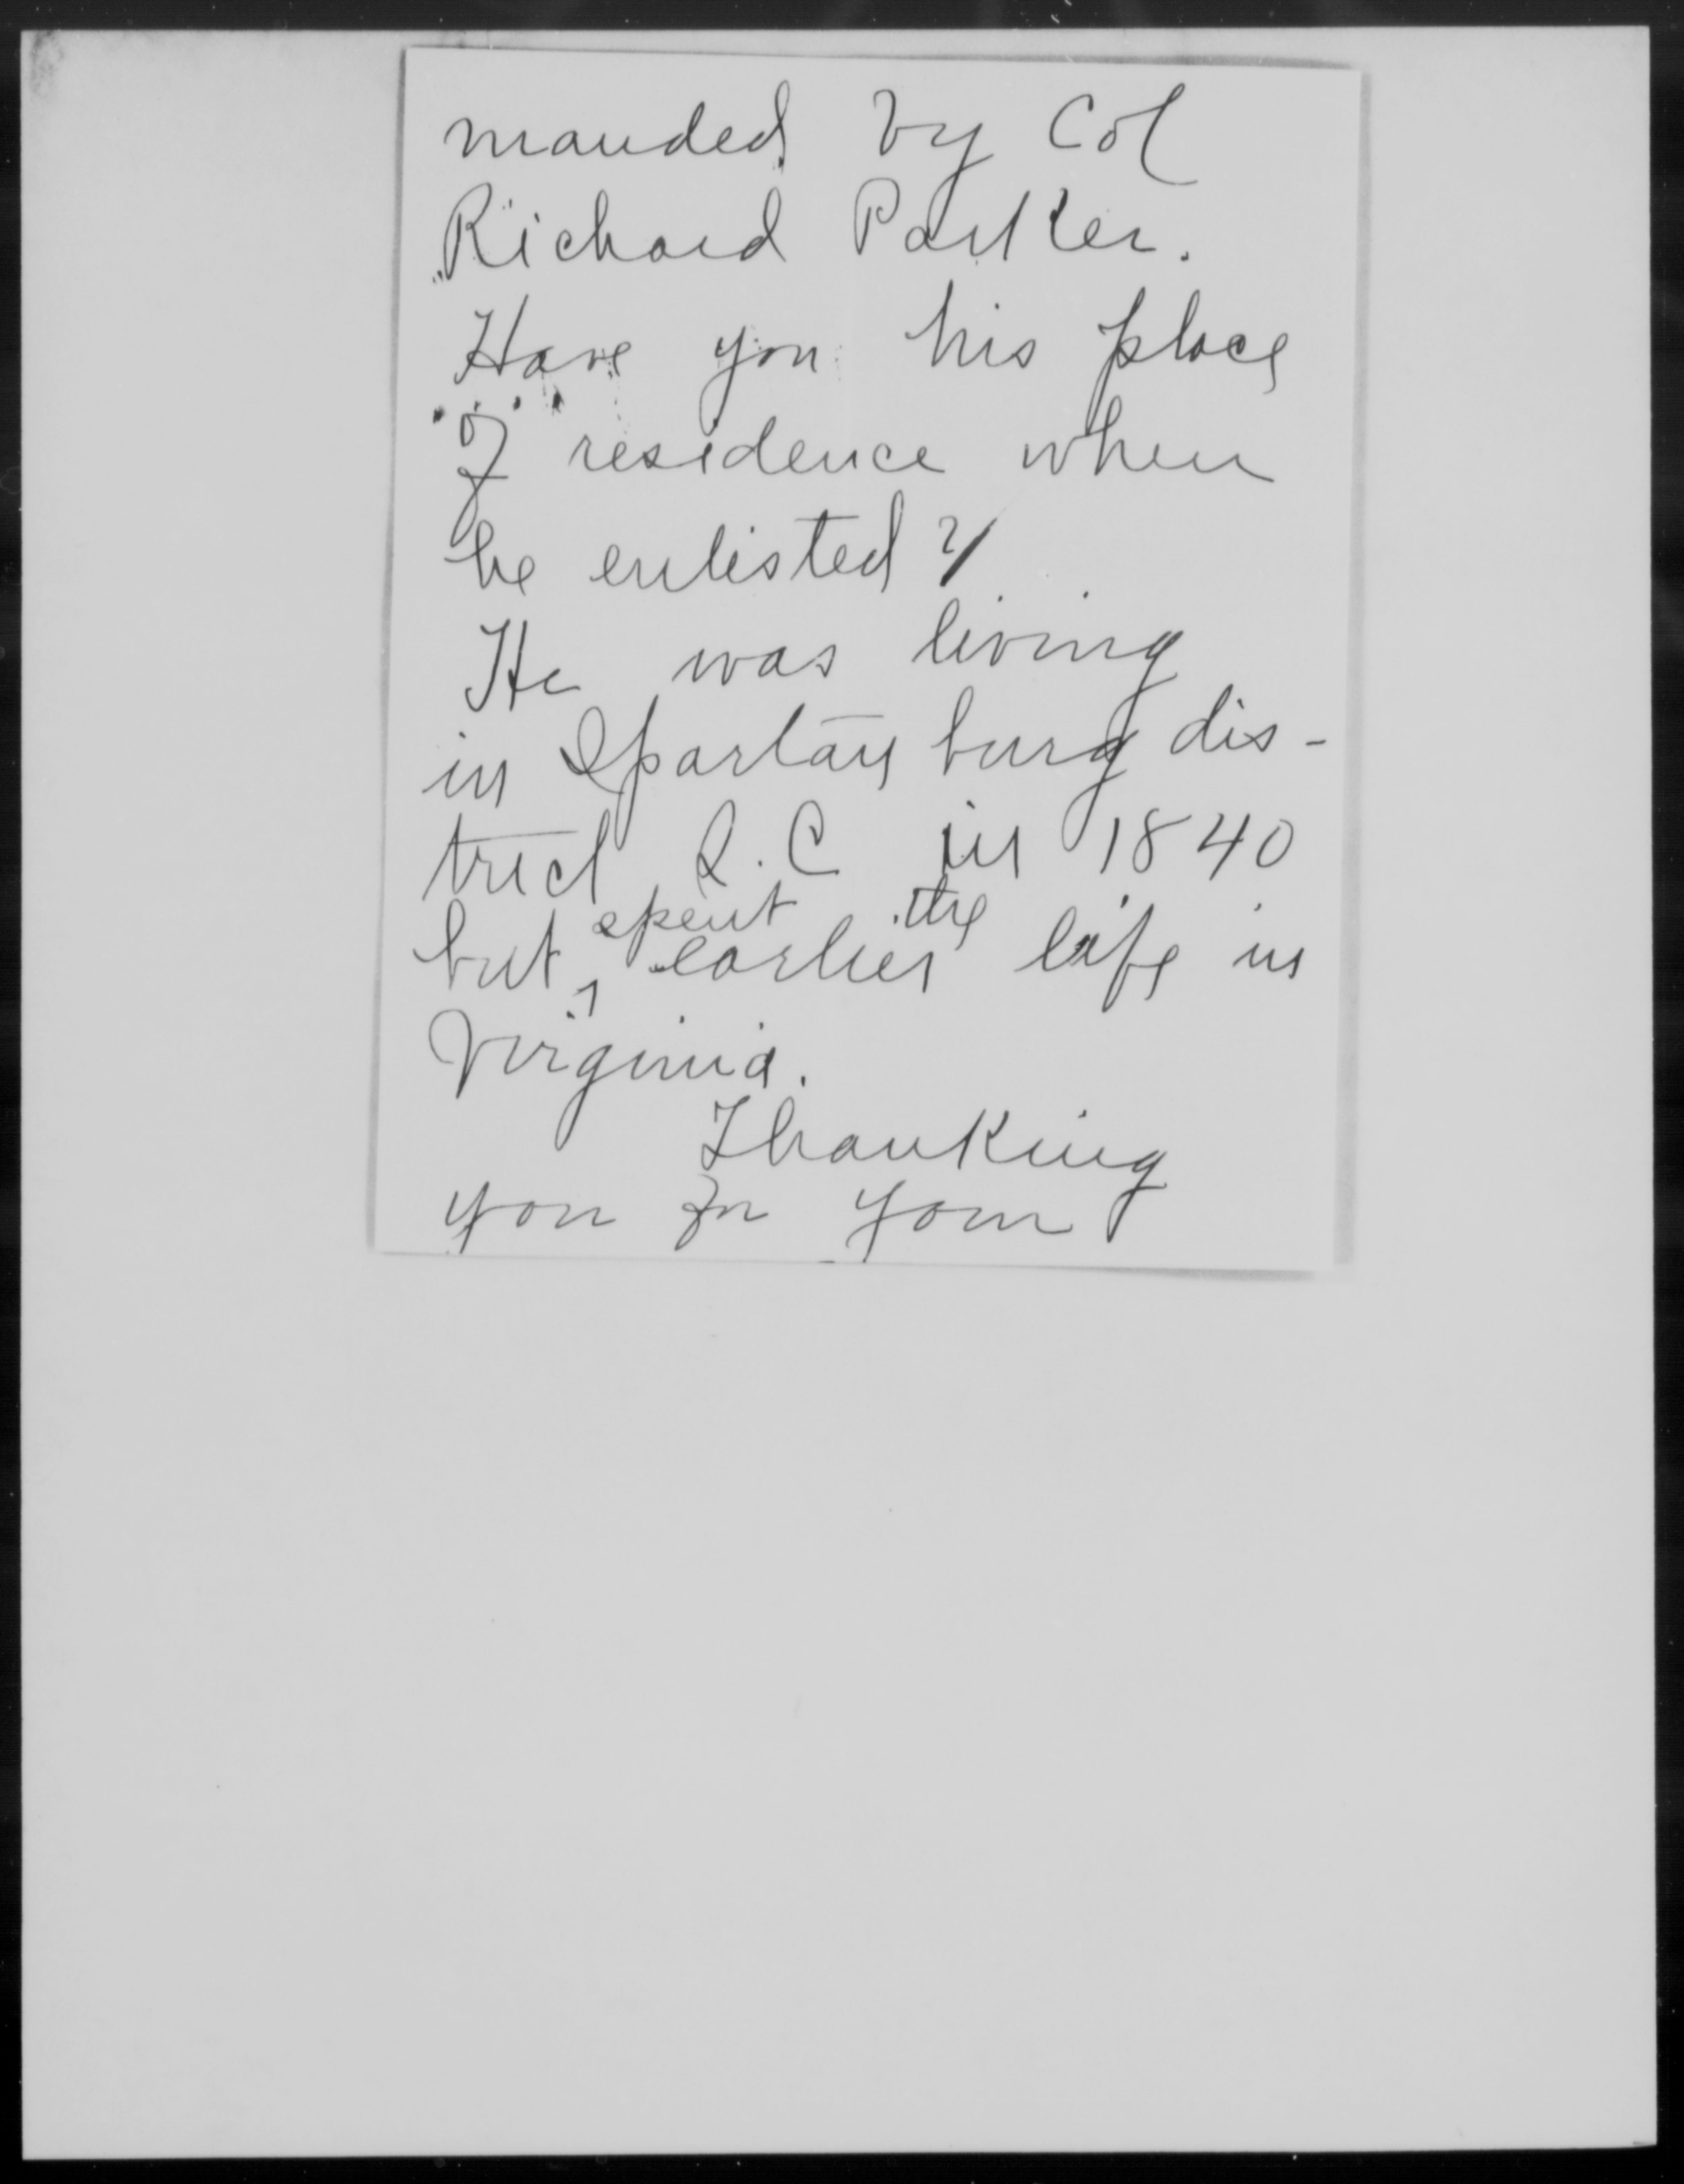manded by Col Richard Parker. Have you his place of residence when he enlisted ? He was living in Spartan burg district S. C in 1840 but spent earlier the life in Virginia. Thanking you for your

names: Richard Parker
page: 17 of 19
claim: survivor's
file: S. 7,896, William Wingo, Va.